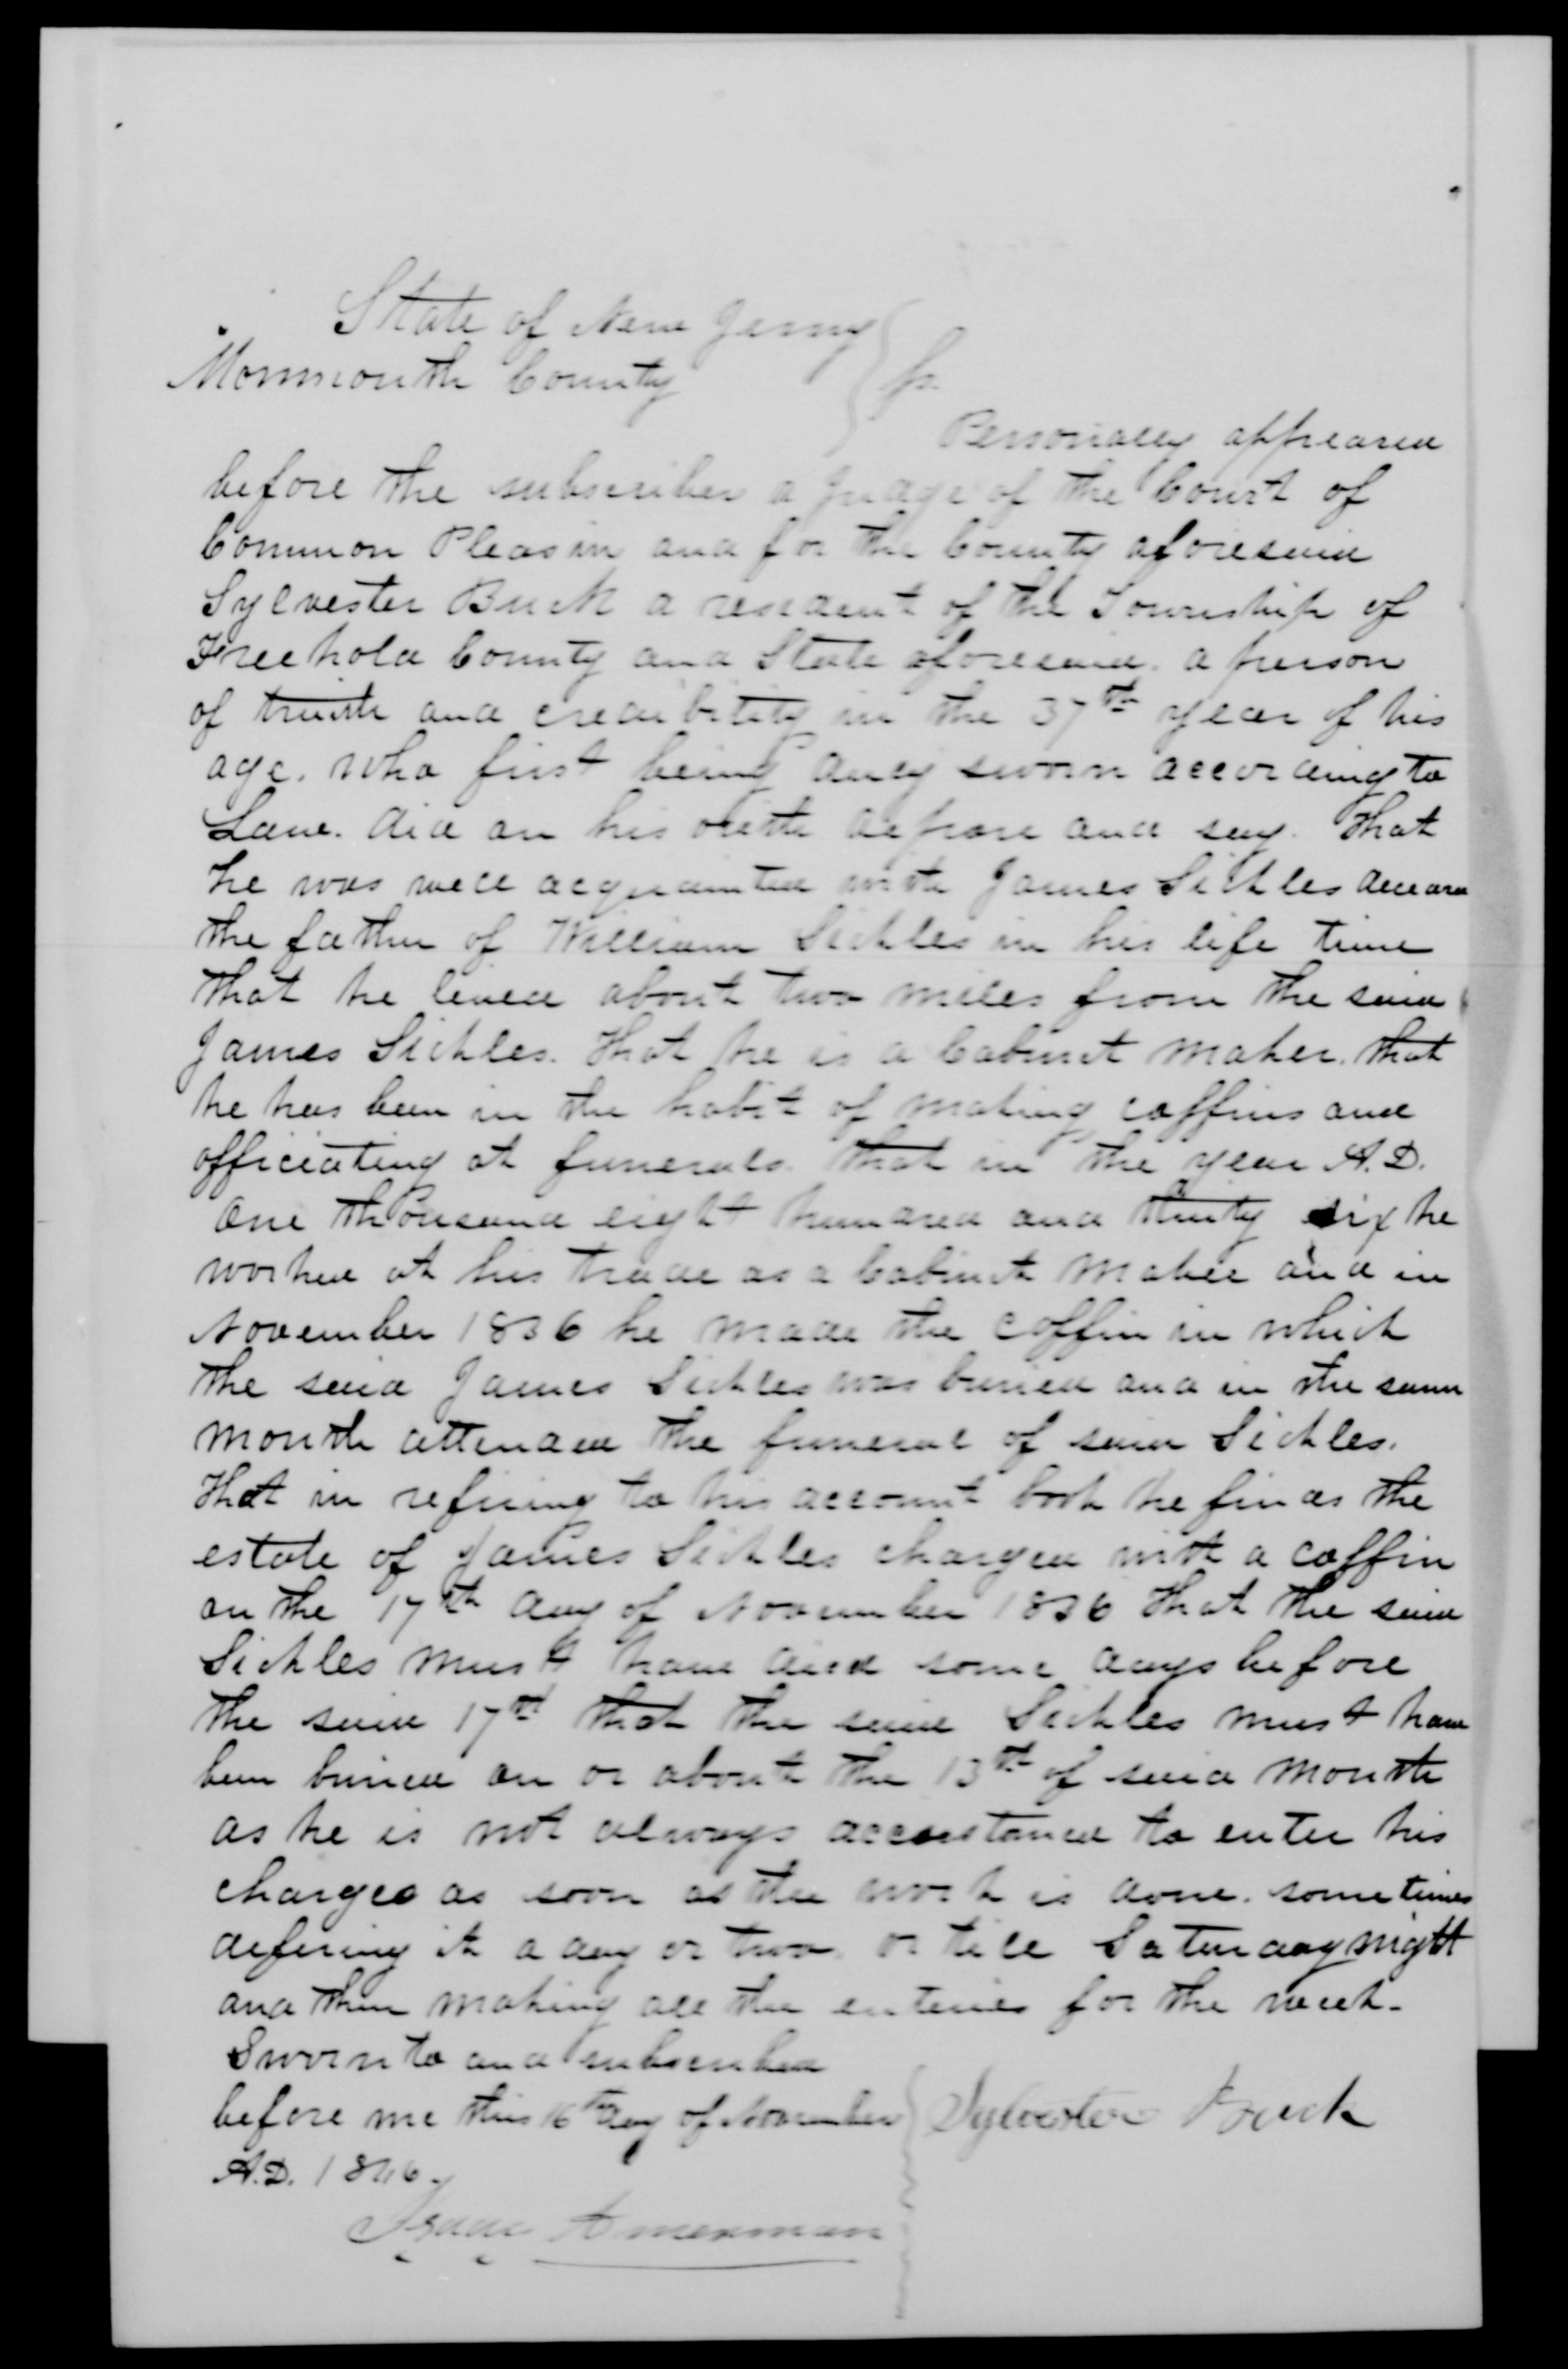State of New Jersey}
Monmouth County} Ss.
Personally appeared before the subscribed a Judge of the Court of Common Pleas in and for the County aforesaid Sylvester Buck a resident of the Township of Freehold County and State aforesaid, a person of truth and credibility in the 37th year of his age, who first being duly sworn according to Law, did on his oath depose and say that he was well acquainted with James Sickles deceased the father of William Sickles in his life time that he lived about two miles from the said James Sickles. The he is a Cabinet maker, that he has been in the habit of making coffins and officiating at funerals that in the year A.D. one thousand eight hundred and thirty six he worked at his trade as a Cabinet Maker and in November 1836 he made the Coffin in which the said James Sickles was buried and in the same Month attended the funeral of said Sickles. That in refiring to his account book he finds the estate of James Sickles charged with a coffin on the 17th day of November 1836 That the said Sickles must have died some days before the said 17th that the said Sickles must have been buried on or about the 13th of said Month as he is not always [illegible] to enter his charges as soon as the work is done, sometimes defiring it a day or two, or till Saturday night and then making all the entries for the work.
Sworn to and subscribed}
before me this 16th day of November} Sylvester Buck
A.D. 1846}
Isaac Amerman}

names: [BLANK] Sichles; James Sichles; James Sichles; [BLANK] Sichles; Sylvester Buck; William Sichles; [BLANK] Sichles; James Sichles; James Sichles; Sylvester Buck; Isaac Amerman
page: 20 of 33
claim: survivor's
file: S. 4,841, for James Sickles, New Jersey